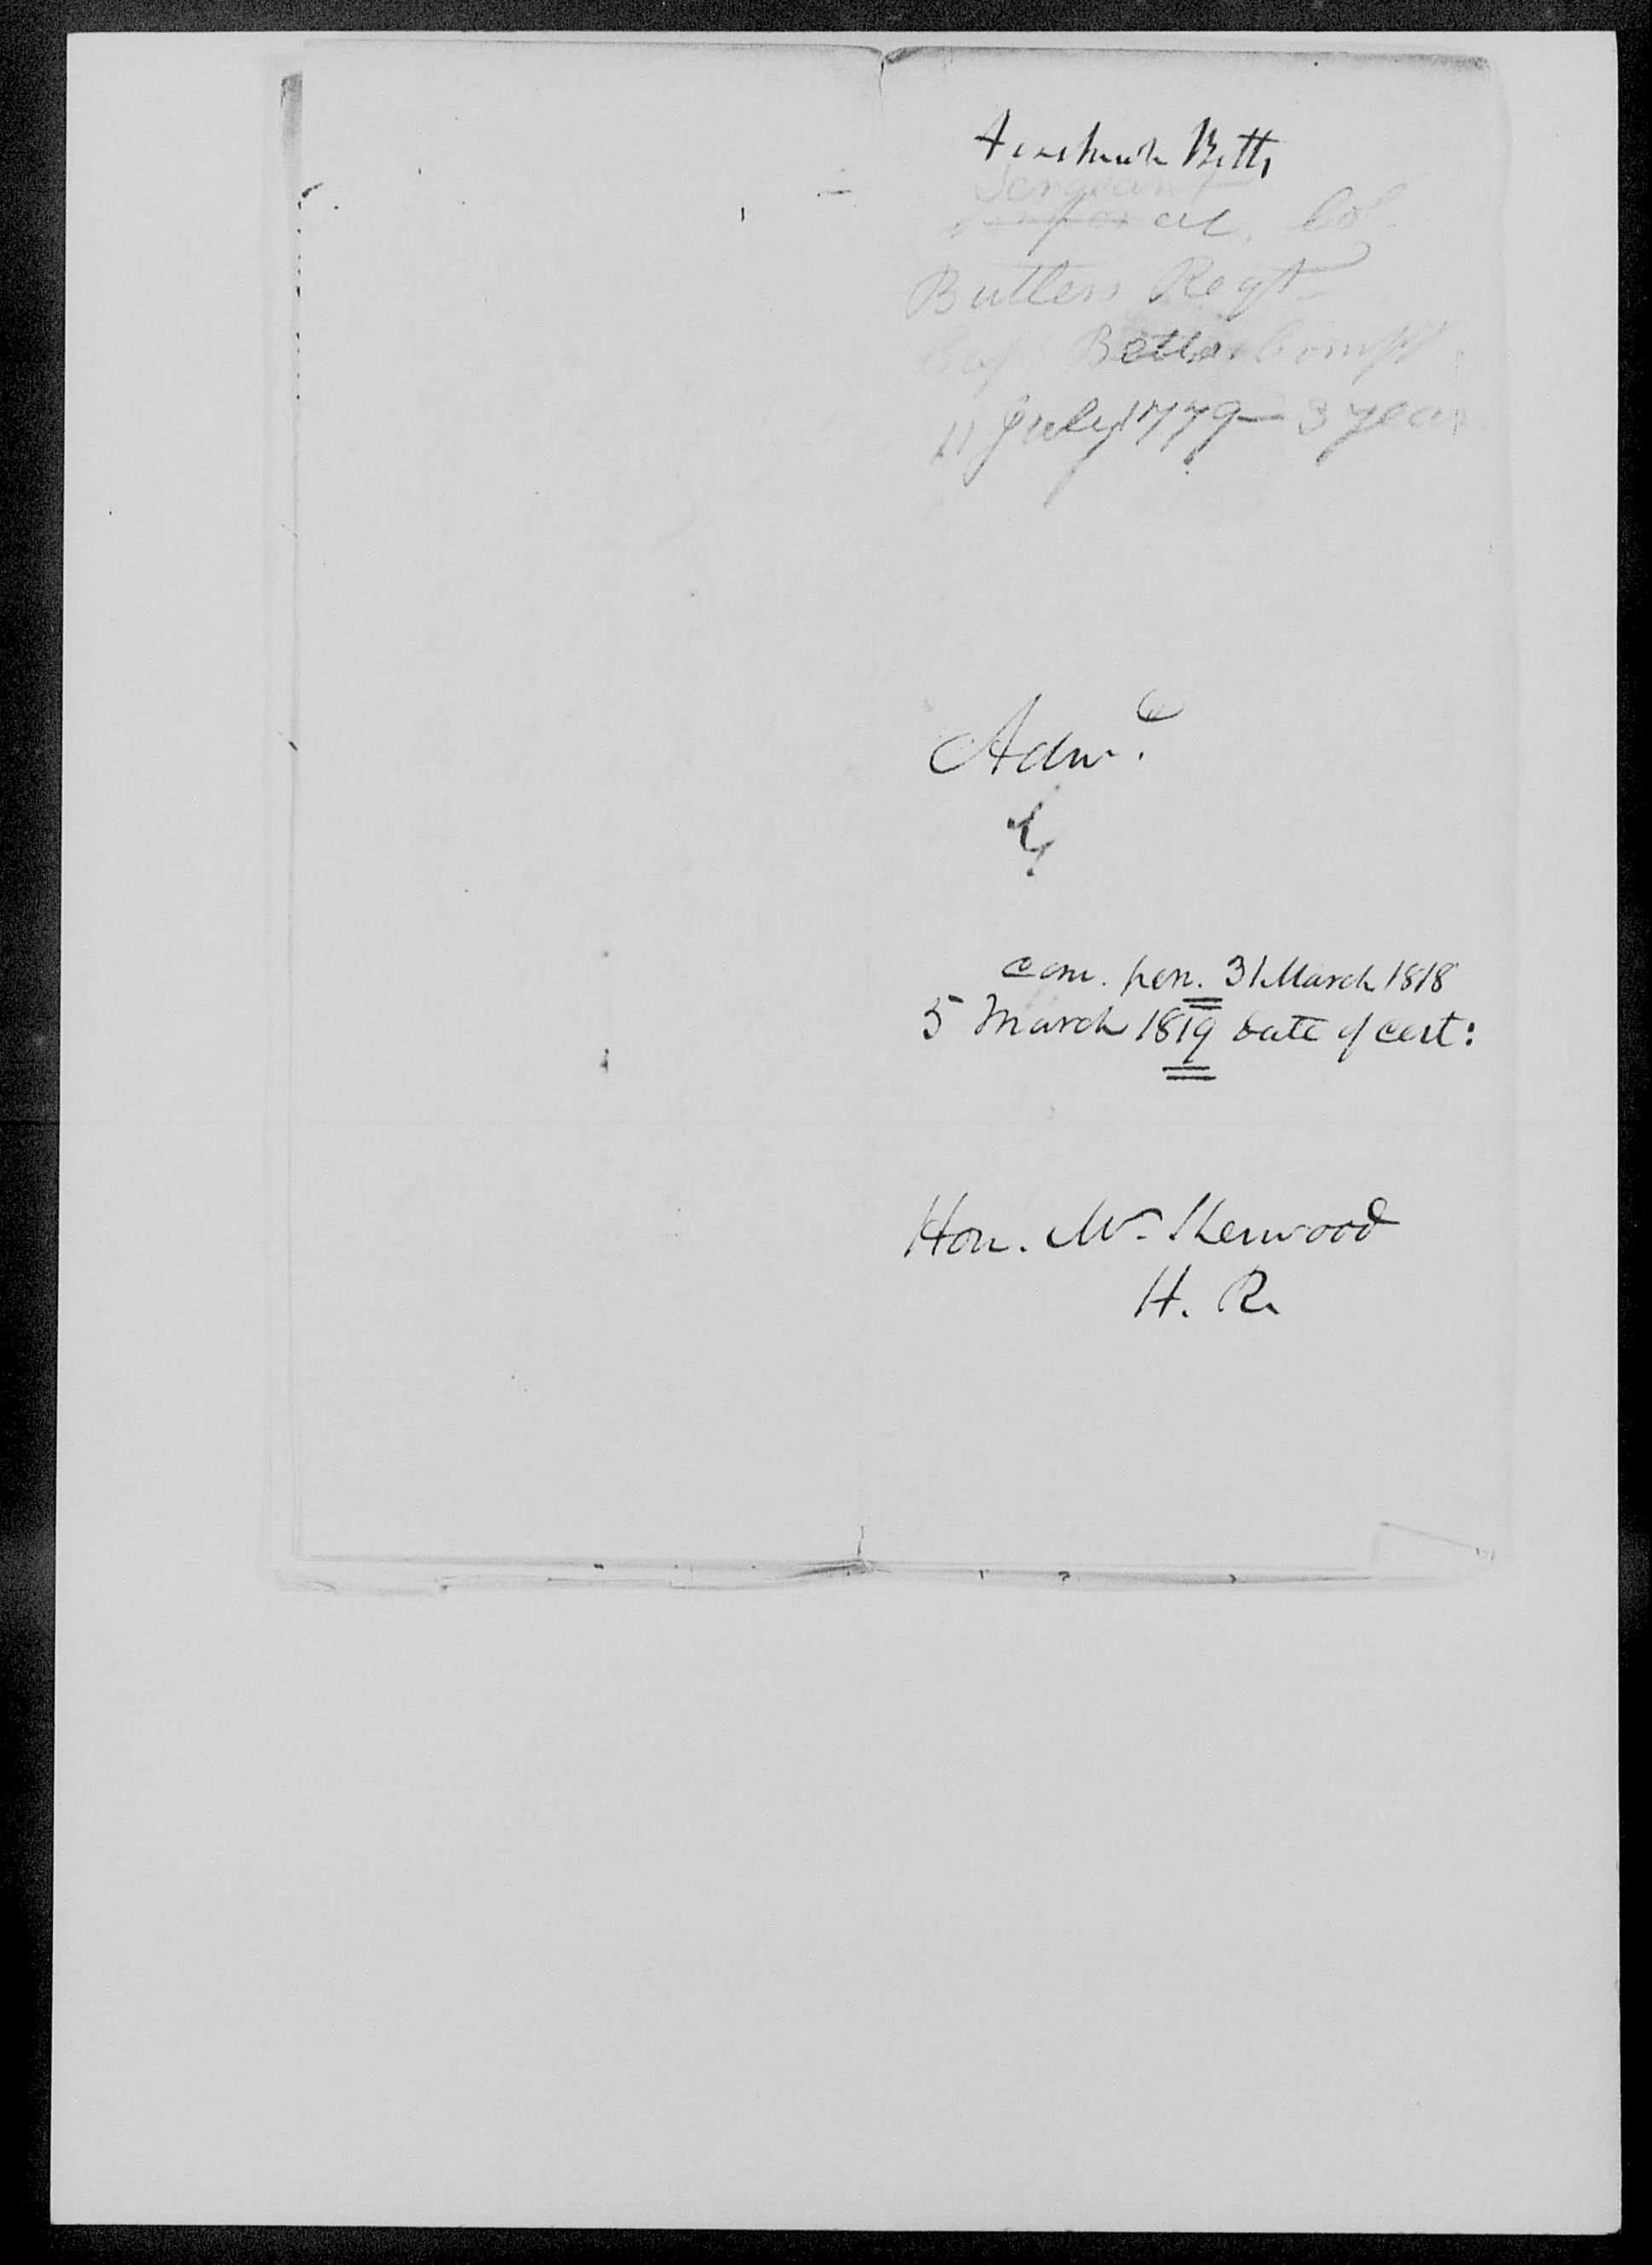Hezekiah Betts
Sergeant at Col
Butlers Regt
Capt Betts Compy
11 July 1779- 3 years

Admd

com. pen. 31 March 1818
5 March 1819 date of cert:

Hon. W. Sherwood
H. R.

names: Hezekiah Betts, Sherwood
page: 45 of 61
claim: widow's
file: W. 29,929, Hezekiah Betts, Conn.